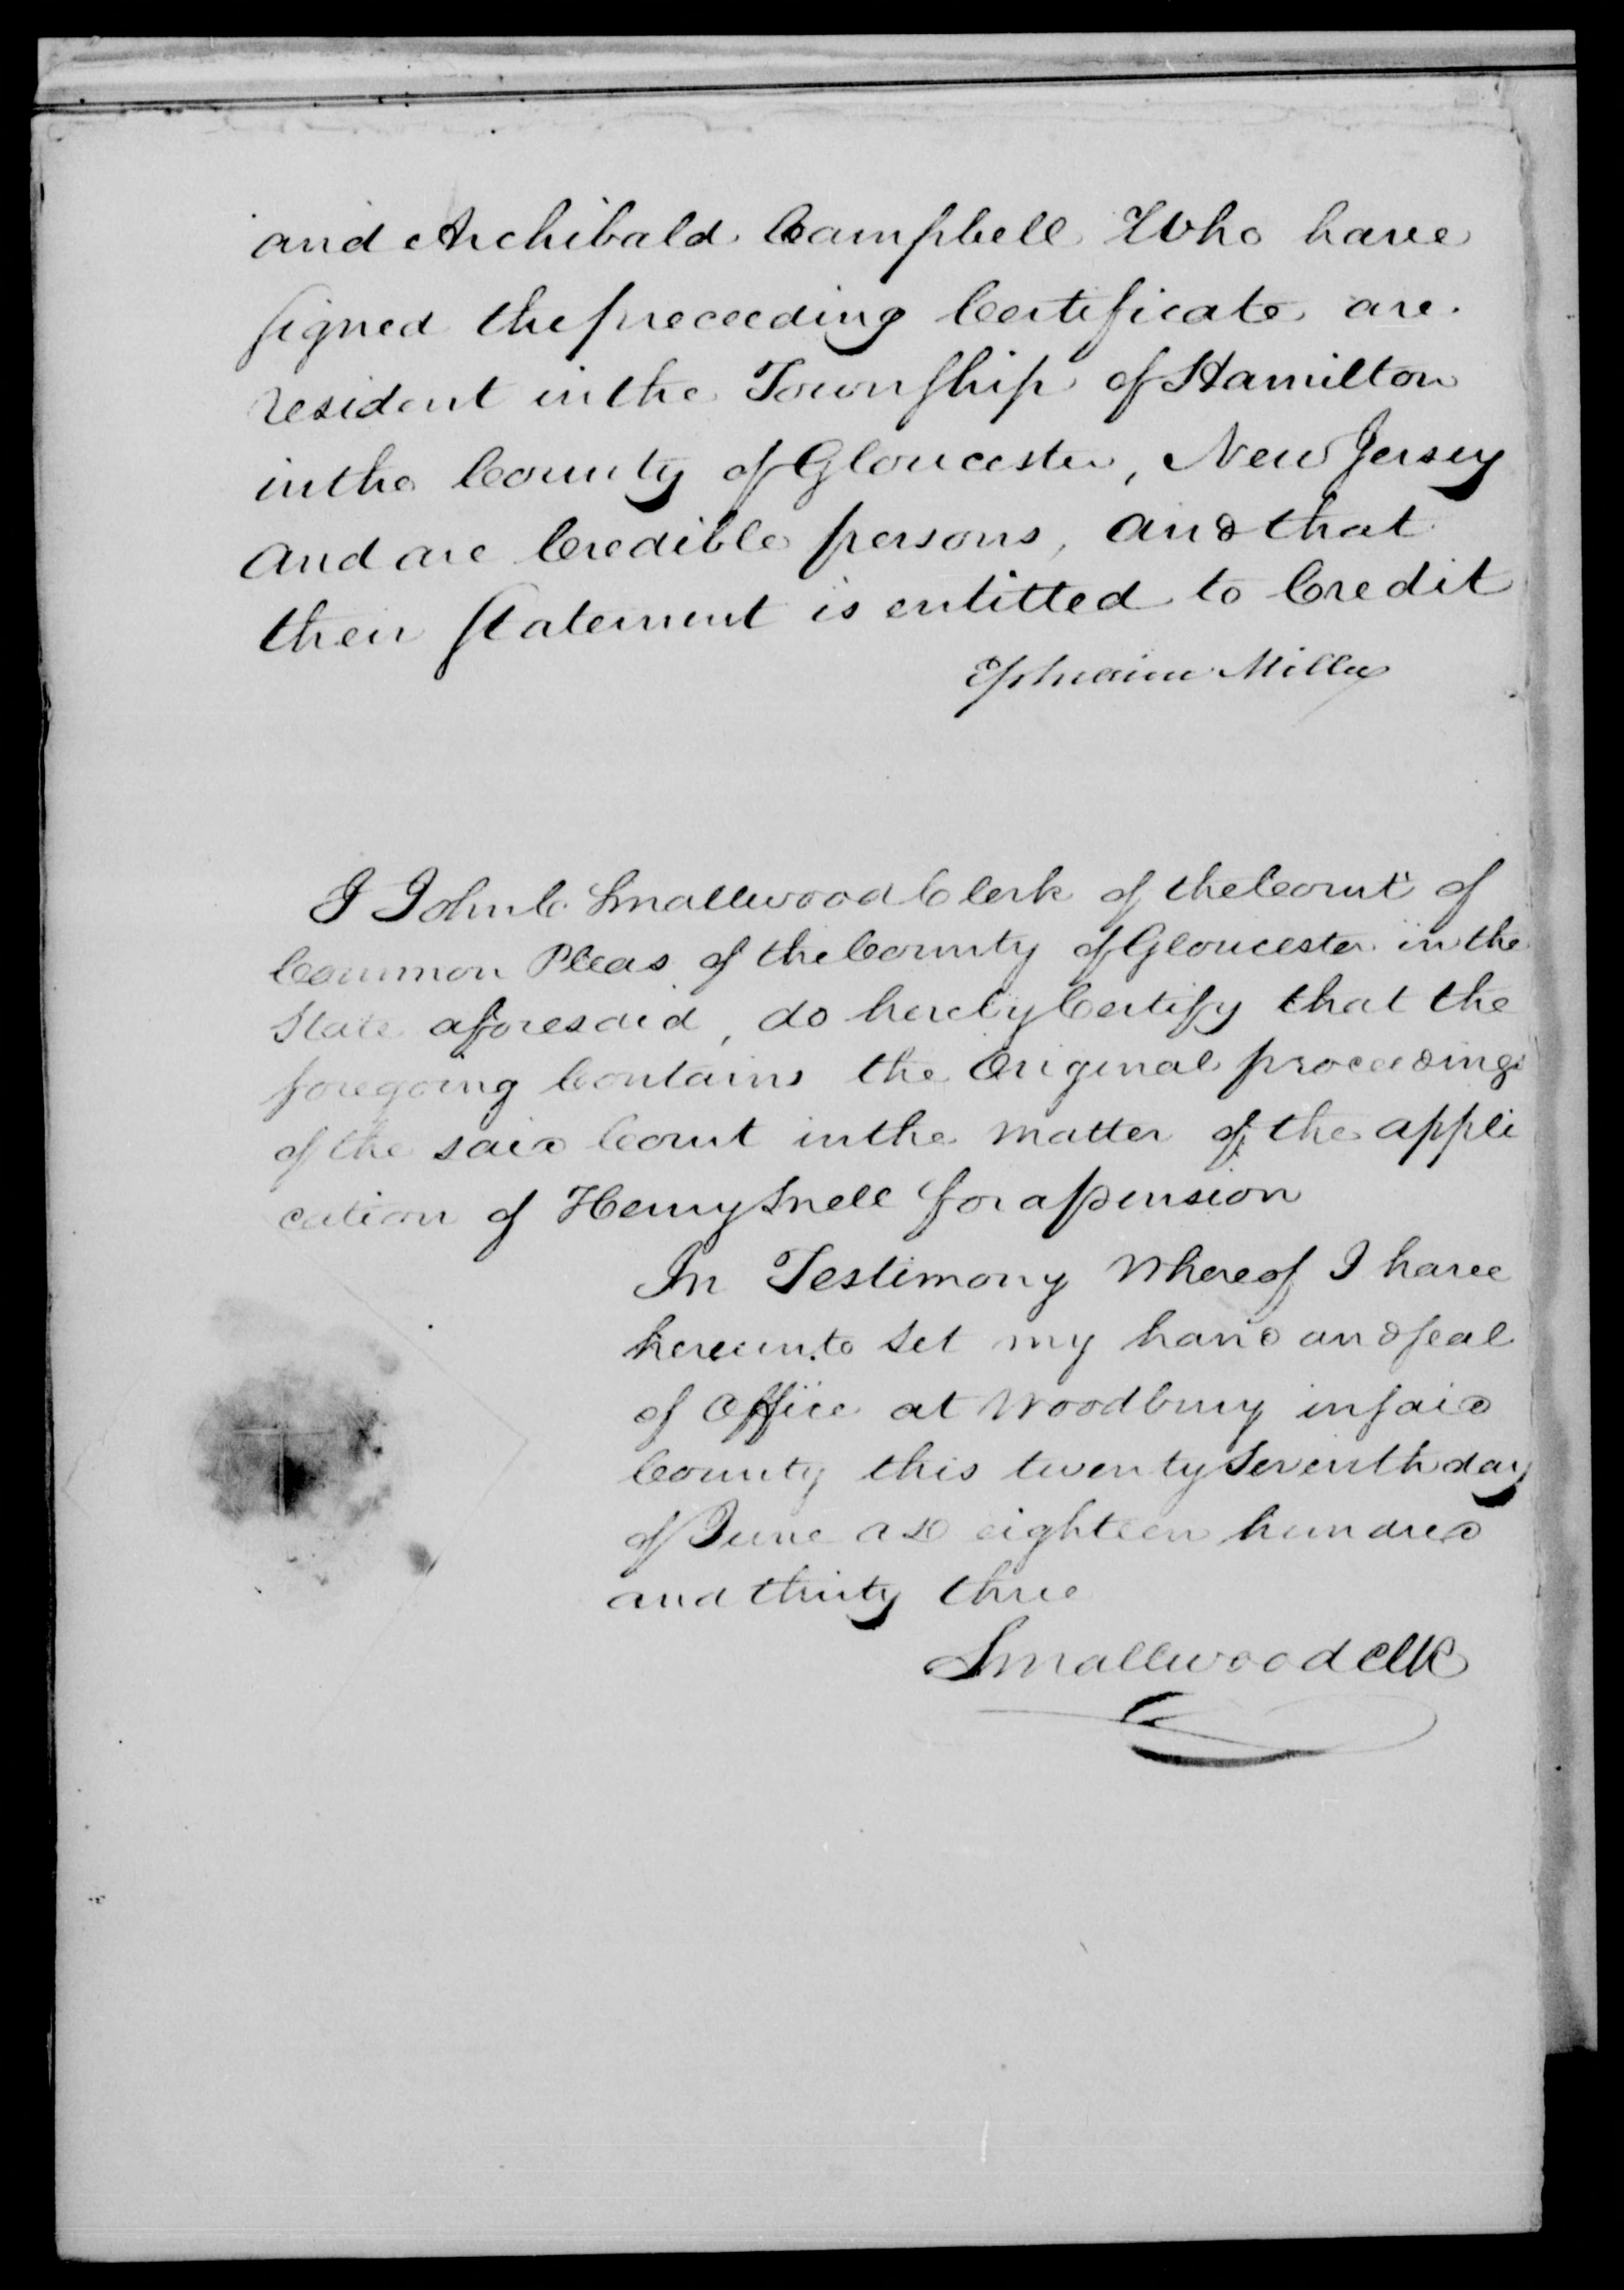and Archibald Campbell who have signed the preceeding Certificate are resident with the Township of Hamilton in the County of Gloucester, New Jersey and are credible persons, and that their statement is entitled to credit.

Ephraim Miller

I John Smallwood Clerk of the County of Common Pleas of the County of Gloucester in the State aforesaid, do hereby certify that the foregoing contains the original proceedings of the said Court in the matter of the application of Henry Snell for a pension.
In Testimony where of I have hereunto set my hand and seal of the office at Woodbury in said County  this twenty seventh day of June AD eighteen hundred and thirty three
Smallwood Clk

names: John C Smallwood; Henry Snell; Archibald Campbell; Ephraim Miller; [BLANK] Smallwood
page: 13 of 27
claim: rejected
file: R. 9,892, for Henry Snell, New Jersey